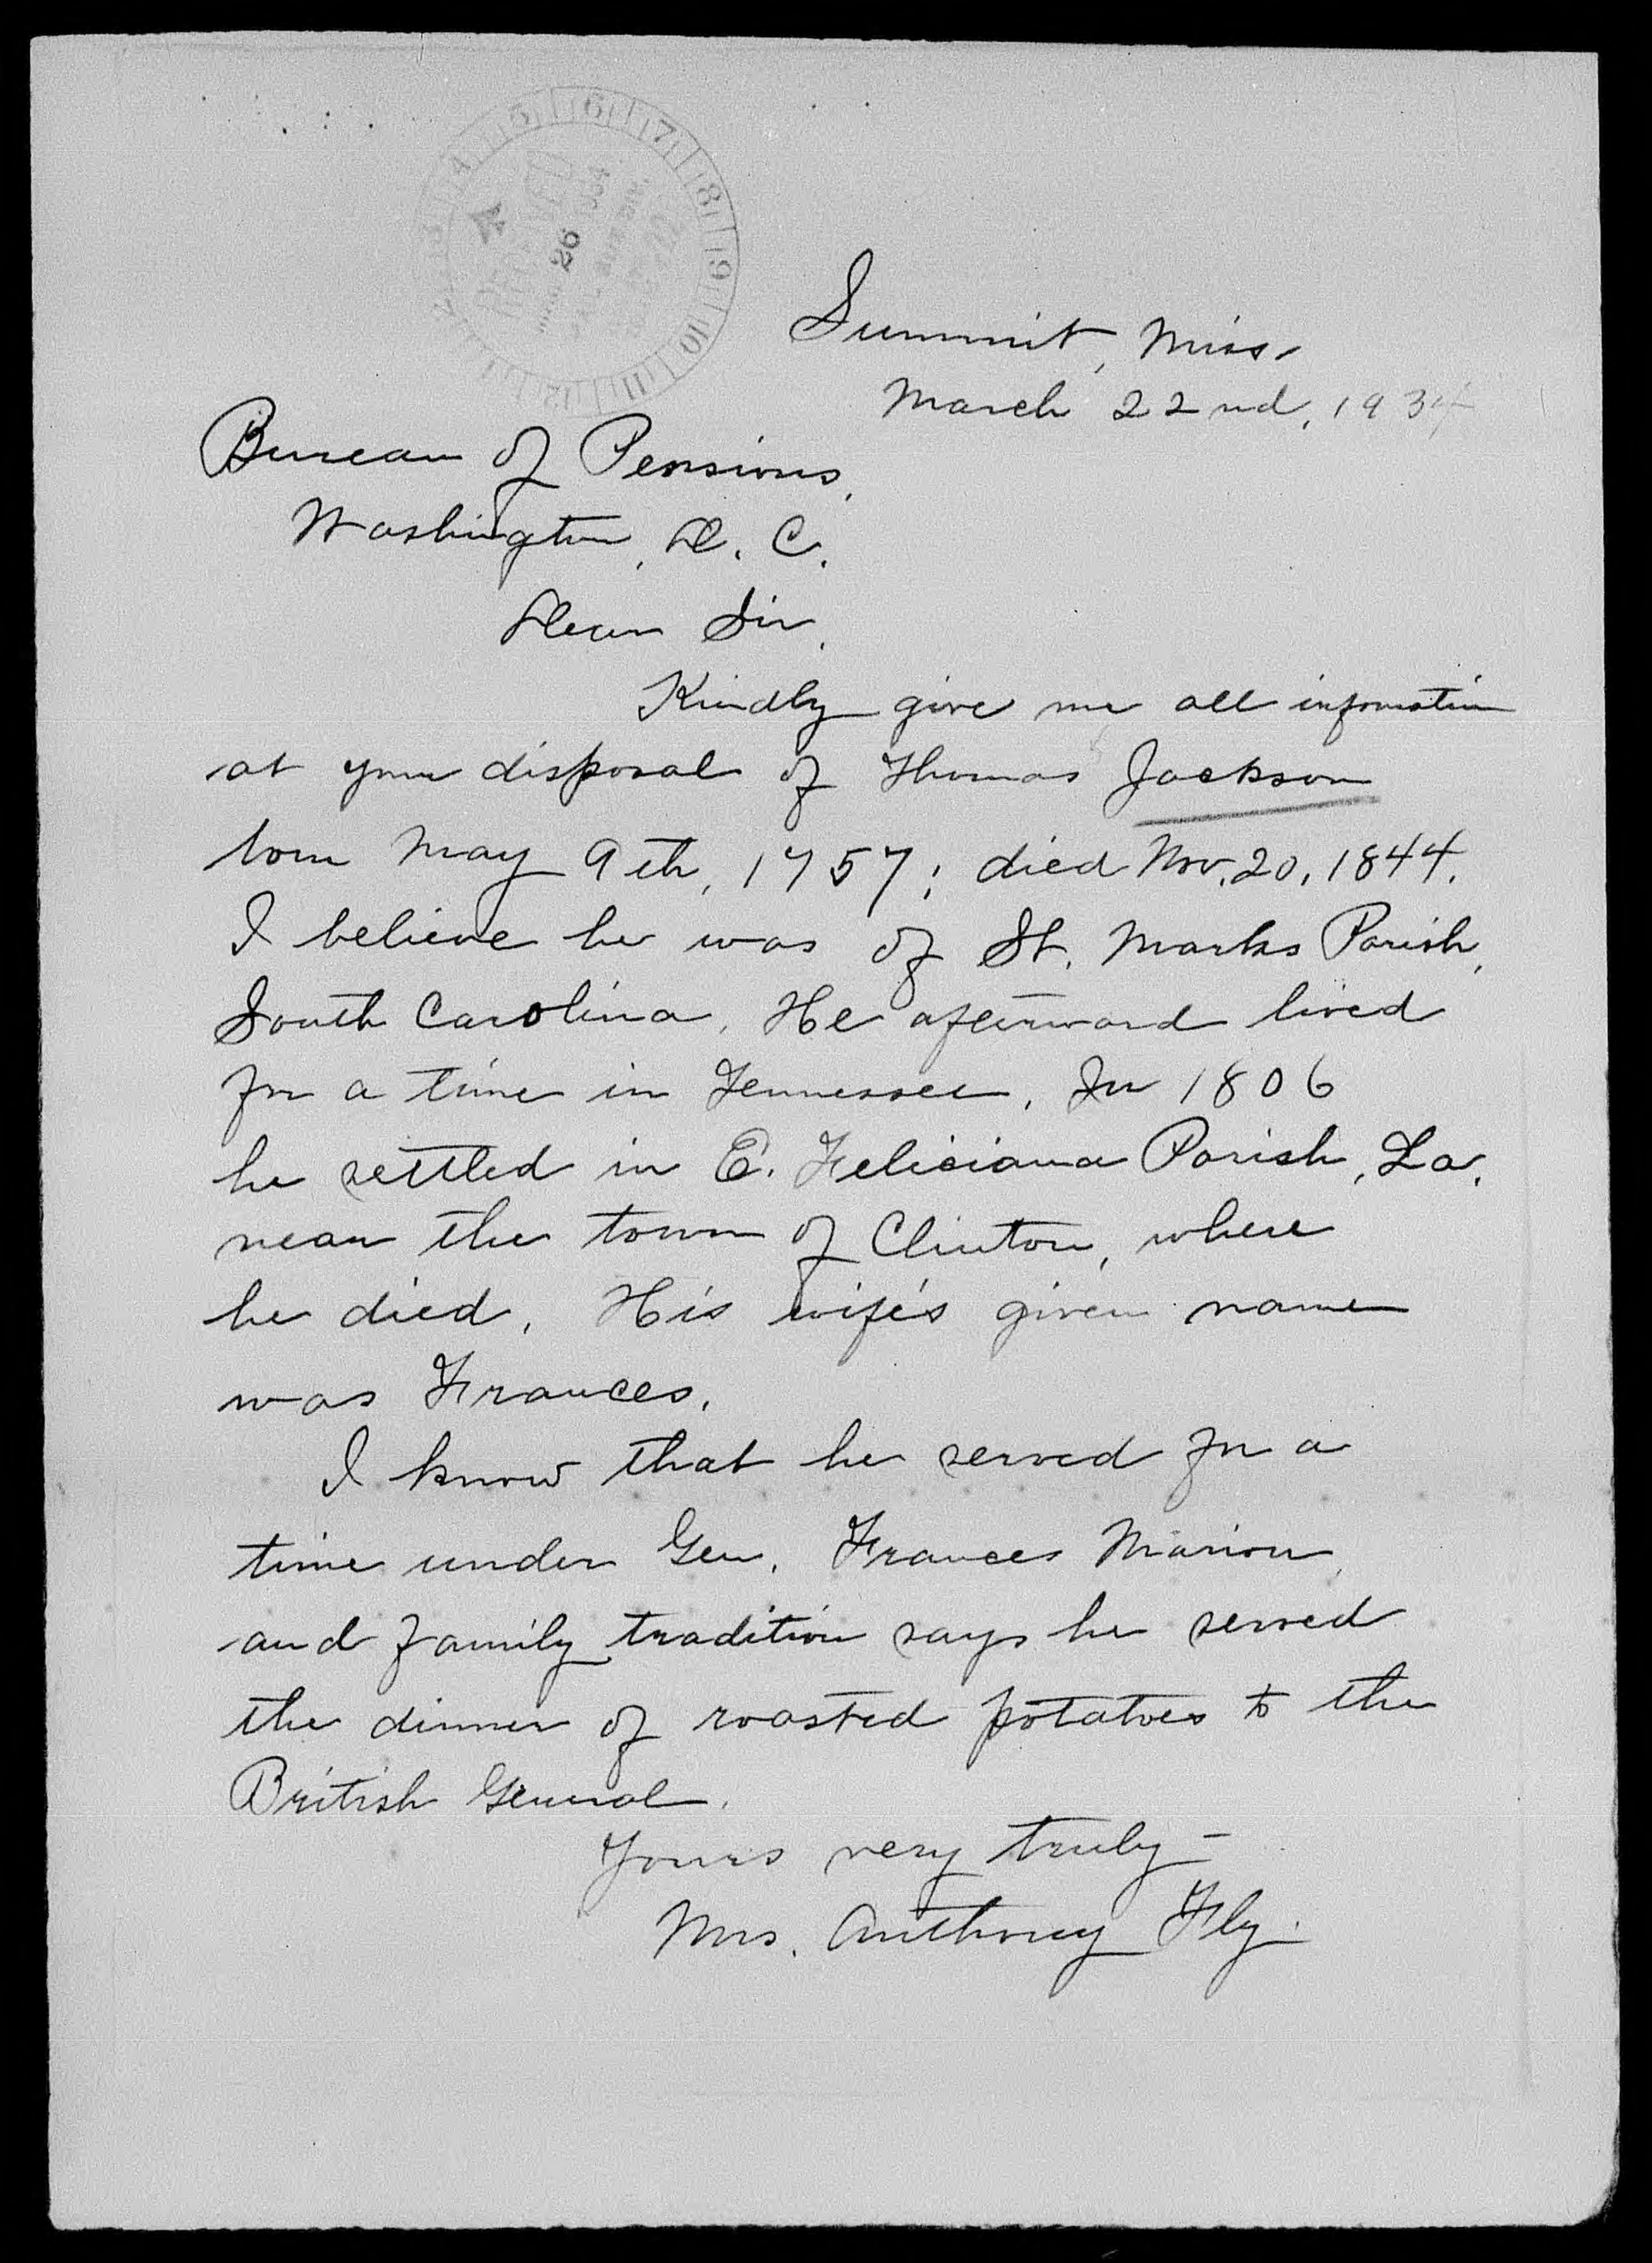[stamp] RECEIVED MAR. 26 1934, MAIL SUB. DIV. [Illegible]

Summit Miss
March 22nd, 1934

Bureau of Pensions
Washington, D.C.

Dear Sir,
Kindly give me all information at your disposal of Thomas Jackson born May 9th, 1757; died Nov 20, 1844. I believe he was of St Marks Parish, South Carolina. He afterward lived for a time in Tennessee.  In 1806 he settled in E. Fleliciana Parish La. near the town of Clinton, where he died. His wife's given name was Frances. 
I know that he served for a time under Gen. Francis Marion and family tradition says he served the dinner of roasted potatoes to the British General

Yours very truly-
Mrs. Anthony Fly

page: 28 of 54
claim: survivor's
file: S. 31166, for Thomas Jackson, South Carolina